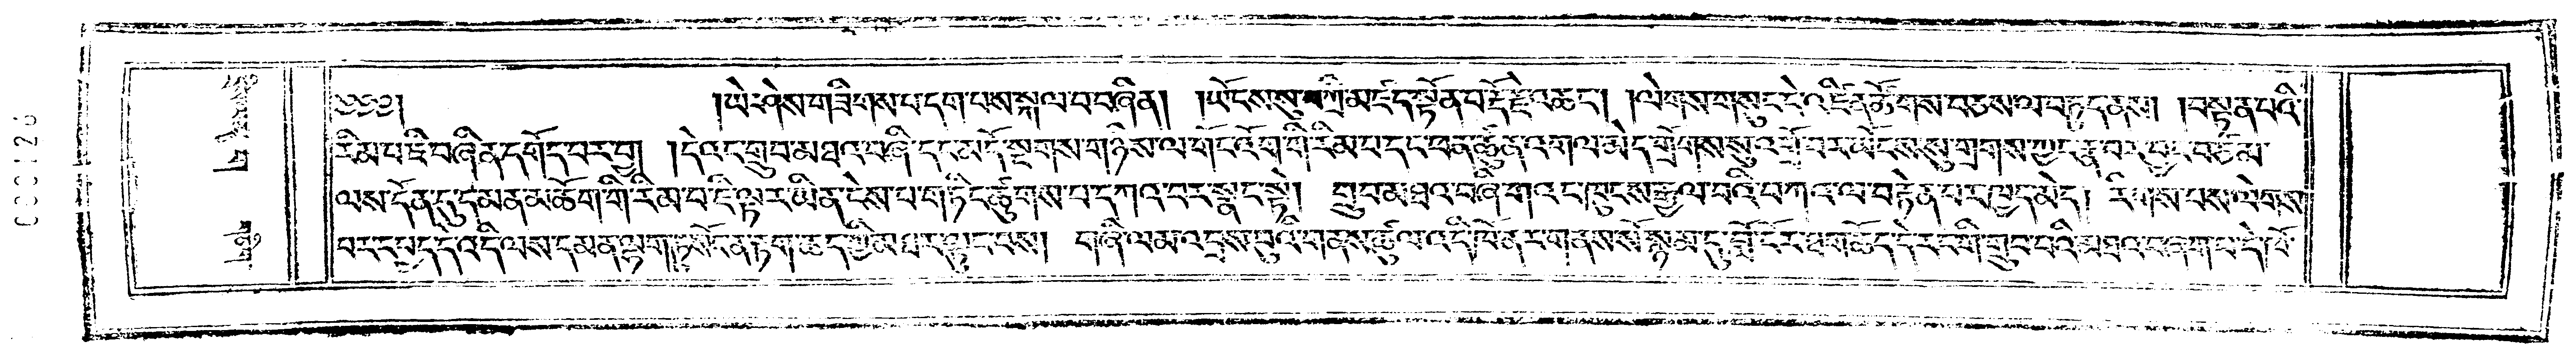༄༅༅། །ཡེ་ཤེས་གཟིགས་པ་དག་པས་སྐལ་བ་བཞིན། །ཡོངས་སུ་བཀྲི་མཛད་སྟོན་པ་རྡོ་རྗེ་འཆང་། །ལེགས་གསུང་ངེ་འཛིན་ཚོགས་བཅས་ལ་བཏུད་ནས། །བསྟན་པའི་
རིམ་པ་ཇི་བཞིན་དགོད་པར་བྱ། །དེའང་གྲུབ་མཐའ་བཞི་དང་མདོ་སྔགས་གཉིས་ལ་གོང་འོག་གི་རིམ་པ་དང་ཕན་ཚུན་འགལ་མེད་གྲོགས་སུ་འགྲོ་བར་ཡོངས་སུ་གྲགས་ཀྱང་རྣ་བར་བྱང་བ་ཙམ་
ལས་དོན་དུ་དམན་མཆོག་གི་རིམ་པ་ཇི་ལྟར་ཡིན་ངེས་པ་གཏིང་ཚུགས་པ་དཀའ་བར་སྣང་སྟེ། གྲུབ་མཐའ་བཞི་གའང་ཁུངས་རྒྱལ་བའི་བཀའ་ལ་བརྟེན་པར་ཁྱད་མེད། རིགས་པས་ལེགས་
བར་དཔྱད་དེ་འདི་ལས་དམན་ལྷག་ཏུ་སོང་ན་རྟག་ཆད་ཀྱི་མཐར་ལྟུང་བས། གཞི་ལམ་འབྲས་བུའི་གནས་ཚུལ་འདི་ཁོ་ནར་གནས་སོ་སྙམ་དུ་བློ་ངོར་ཐག་ཆོད་དེ་རང་གི་གྲུབ་པའི་མཐའ་བཞག་པ་དེ་ཁོ་